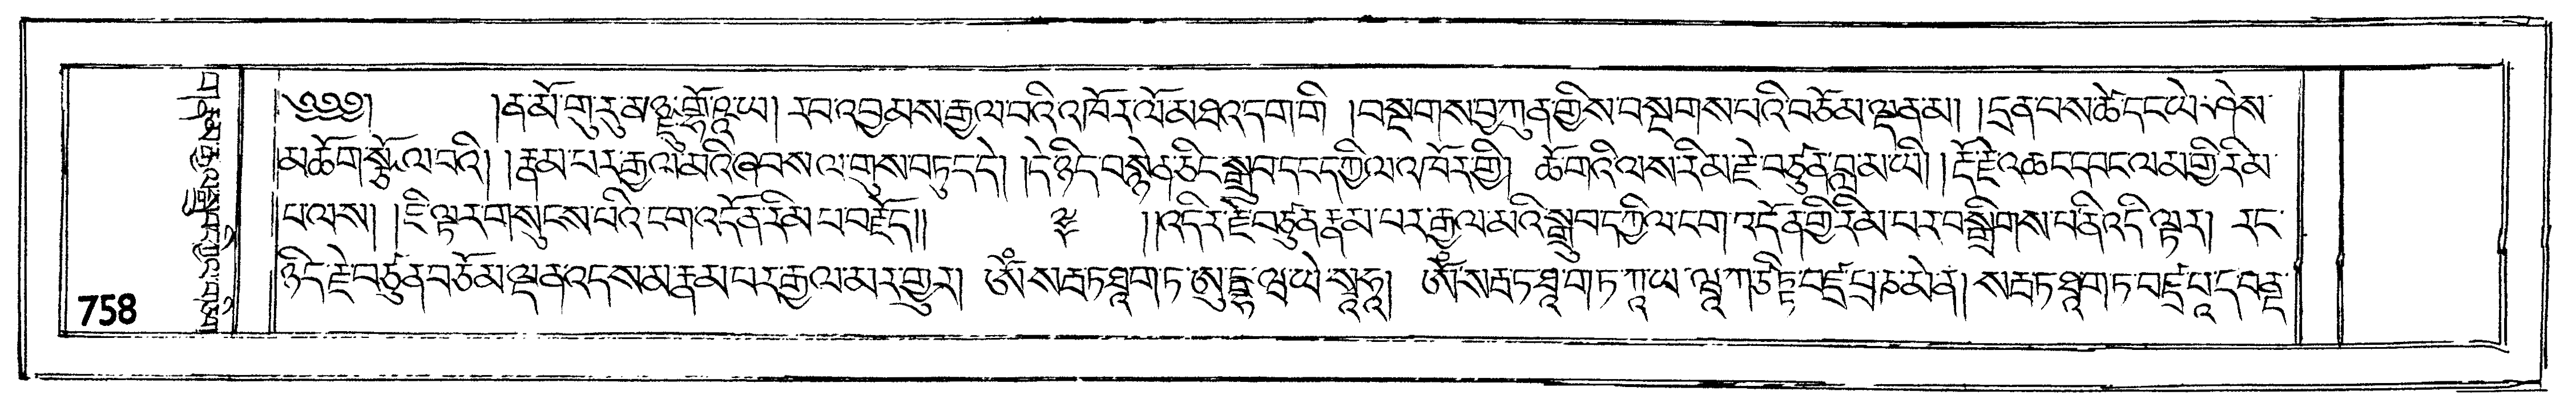༄༅༅། །ན་མོ་གུ་རུ་མཉྫུ་གྷོ་ཥཱ་ཡ། རབ་འབྱམས་རྒྱལ་བའི་འཁོར་ལོ་མཐའ་དག་གི །བསྔགས་བྱ་ཀུན་གྱིས་བསྔགས་པའི་བཅོམ་ལྡན་མ། །དྲན་པས་ཚེ་དང་ཡེ་ཤེས་
མཆོག་སྩོལ་བའི། །རྣམ་པར་རྒྱལ་མའི་ཞབས་ལ་གུས་བཏུད་དེ། །དེ་ཉིད་བསྙེན་ཅིང་སྒྲུབ་དང་དཀྱིལ་འཁོར་གྱི། ཆོ་གའི་ལས་རིམ་རྗེ་བཙུན་བླ་མ་ཡི། །རྡོ་རྗེ་འཆང་དབང་ལམ་གྱི་རིམ་
པ་ལས། །ཇི་ལྟར་གསུངས་པའི་ངག་འདོན་རིམ་པ་བརྗོད།། ༈ །།འདིར་རྗེ་བཙུན་རྣམ་པར་རྒྱལ་མའི་སྒྲུབ་དཀྱིལ་ངག་འདོན་གྱི་རིམ་པར་བསྒྲིགས་པ་ནི་འདི་ལྟར། རང་
ཉིད་རྗེ་བཙུན་བཅོམ་ལྡན་འདས་མ་རྣམ་པར་གྱལ་མར་གྱུར། ཨོཾ་སརྦ་ཏ་ཐཱ་ག་ཏ་ཨུ་དབྷ་ཝ་ཡེ་སྭཱཧཱ། ཨོཾ་སརྦ་ཏ་ཐཱ་ག་ཏ་ཀཱ་ཡ་ཝཱ་ཀ་ཙིཏྟ་བཛྲ་པྲ་ཎ་མེ་ན། སརྦ་ཏ་ཐཱ་ག་ཏ་བཛྲ་པཱ་ད་བནྡ་